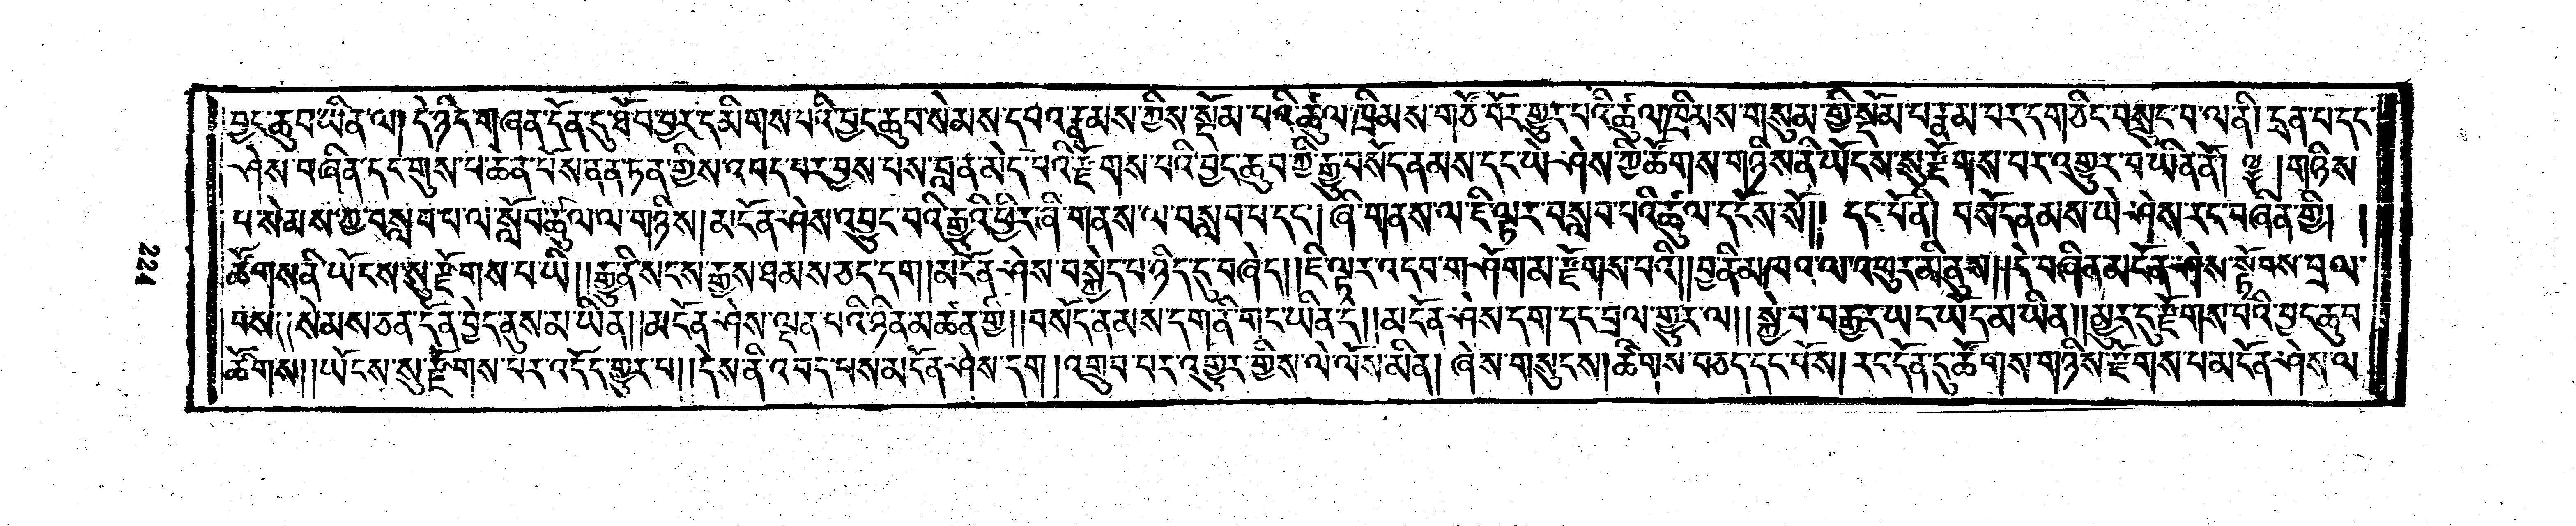བྱང་ཆུབ་ཡིན་ལ། དེ་ཉིད་གཞན་དོན་དུ་ཐོབ་བྱར་དམིགས་པའི་བྱང་ཆུབ་སེམས་དཔའ་རྣམས་ཀྱིས་སྡོམ་པའི་ཚུལ་ཁྲིམས་གཙོ་བོར་གྱུར་པའི་ཚུལ་ཁྲིམས་གསུམ་གྱི་སྡོམ་པ་རྣམ་པར་དག་ཅིང་བསྲུང་བ་ལ་ནི། དྲན་པ་དང་
ཤེས་བཞིན་དང་གུས་པ་ཆེན་པོས་ནན་ཏན་གྱིས་འབད་པར་བྱས་པས་བླ་ན་མེད་པའི་རྫོགས་པའི་བྱང་ཆུབ་ཀྱི་རྒྱུ་བསོད་ནམས་དང་ཡེ་ཤེས་ཀྱི་ཚོགས་གཉིས་ནི་ཡོངས་སུ་རྫོགས་པར་འགྱུར་བ་ཡིན་ནོ། ༈ །གཉིས་
པ་སེམས་ཀྱི་བསླབ་པ་ལ་སློབ་ཚུལ་ལ་གཉིས། མངོན་ཤེས་འབྱུང་བའི་རྒྱུའི་ཕྱིར་ཞི་གནས་ལ་བསླབ་པ་དང་། ཞི་གནས་ལ་ཇི་ལྟར་བསླབ་པའི་ཚུལ་དངོས་སོ། །དང་པོ་ནི། བསོད་ནམས་ཡེ་ཤེས་རང་བཞིན་གྱི། །
ཚོགས་ནི་ཡོངས་སུ་རྫོགས་པ་ཡི། །རྒྱུ་ནི་སངས་རྒྱས་ཐམས་ཅད་དག །མངོན་ཤེས་བསྐྱེད་པ་ཉིད་དུ་བཞེད། །ཇི་ལྟར་འདབ་གཤོག་མ་རྫོགས་པའི། །བྱ་ནི་མཁའ་ལ་འཕུར་མི་ནུས། །དེ་བཞིན་མངོན་ཤེས་སྟོབས་བྲལ་
བས། །སེམས་ཅན་དོན་བྱེད་ནུས་མ་ཡིན། །མངོན་ཤེས་ལྡན་པའི་ཉིན་མཚན་གྱི། །བསོད་ནམས་དག་ནི་གང་ཡིན་དེ། །མངོན་ཤེས་དག་དང་བྲལ་གྱུར་ལ། །སྐྱེ་བ་བརྒྱར་ཡང་ཡོད་མ་ཡིན། །མྱུར་དུ་རྫོགས་པའི་བྱང་ཆུབ་
ཚོགས། །ཡོངས་སུ་རྫོགས་པར་འདོད་གྱུར་པ། །དེས་ནི་འབད་པས་མངོན་ཤེས་དག །འགྲུབ་པར་འགྱུར་གྱིས་ལེ་ལོས་མིན། ཞེས་གསུངས། ཚིགས་བཅད་དང་པོས། རང་དོན་དུ་ཚོགས་གཉིས་རྫོགས་པ་མངོན་ཤེས་ལ་